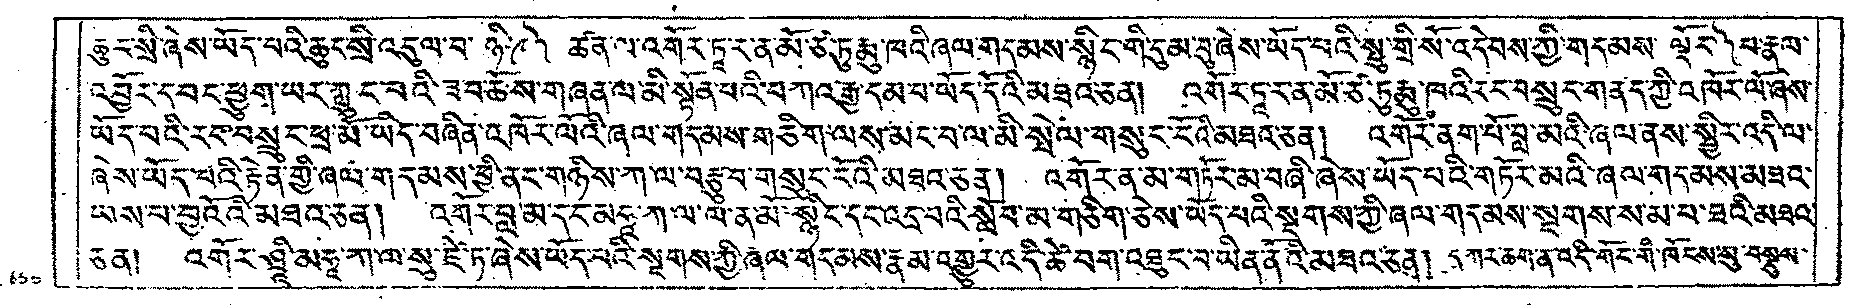ཆུང་སྲི་ཞེས་ཡོད་པའི་ཆུང་སྲི་འདུལ་བ་ཉི ༩?་ཚན་ལ་འགོར་ཏཱ་ར་ན་མོ་ཙ་ཏུ་རྨུ་ཁའི་ཞལ་གདམས་སྙིང་གི་དུམ་བུ་ཞེས་ཡོད་པའི་སྦུ་གྲི་སོ་འདེབས་ཀྱི་གདམས་ལྡོང྄་པ་རྣལ་
འབྱོར་དབང་ཕྱུག་ཡར་ཀླུང་པའི་ཟབ་ཆོས་གཞན་ལ་མི་སྟོན་པའི་བཀའ་རྒྱ་དམ་པ་ཡོད་དོའི་མཐའ་ཅན། འགོར་ཏཱ་ར་ན་མོ་ཙ་ཏུརྨུ྾་ཁའི་རང་བསྲུང་གནད་ཀྱི་འཁོར་ལོ་ཞེས་
ཡོད་པའི་རང་བསྲུང་ཕྲ་མོ་ཡིད་བཞིན་འཁོར་ལོའི་ཞལ་གདམས་གཅིག་ལས་མང་བ་ལ་མི་སྤེལ་གསུང་ངོའི་མཐའ་ཅན། འགོར་ནག་པོ་བླ་མའི་ཞལ་ནས་སྤྱིར་འདི་ལ་
ཞེས་ཡོད་པའི་རྟེན་གྱི་ཞལ་གདམས་ཕྱི་ནང་གཉིས་ཀ་ལ་བརྩུབ་གསུང་ངོའི་མཐའ་ཅན། འགོར་ན་མ་གཏོར་མ་བཞི་ཞེས་ཡོད་པའི་གཏོར་མའི་ཞལ་གདམས་མཐའ་
ཡས་པ་བྱའོའི་མཐའ་ཅན། འགོར་བླ་མ་དང་མཧཱ་ཀ་ལ་ལ་ན་མོ་སྙིང་དང་འདྲ་བའི་སློབ་མ་གཅིག་ཅེས་ཡོད་པའི་སྔགས་ཀྱི་ཞལ་གདམས་སྔགས་ས་མ་པ་ཐའི་མཐའ་
ཅན། འགོར་ཤྲཱི་མཧཱ་ཀ་ལ་སུ་ཛེ་ཏ་ཞེས་ཡོད་པའི་སྔགས་ཀྱི་ཞལ་གདམས་རྣམ་འགྱུར་འདི་ཚེ་བག་འཐུང་བ་ཡིན་ནོའི་མཐའ་ཅན། དཀར་ཆག་ན་འདི་གོང་གི་ཁོངས་སུ་བསྡུས་